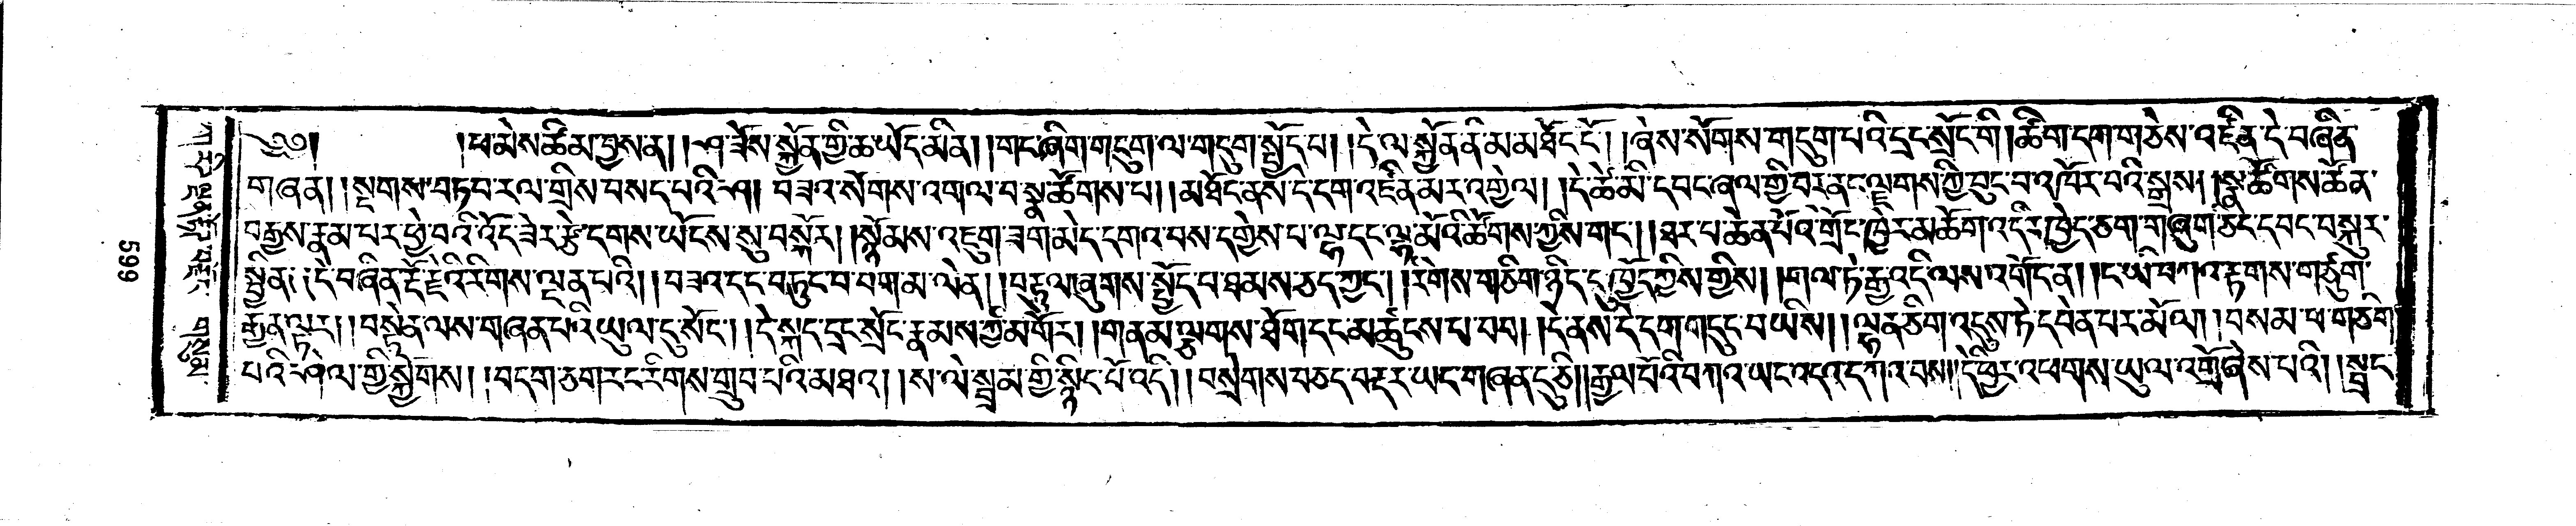༄༅། །ཕ་མེས་ཚིམ་བྱས་ན། །ཤ་ཟོས་སྐྱོན་གྱི་ཆུ་ཡོད་མིན། །གང་ཞིག་གདུག་ལ་གདུག་སྤྱོད་པ། །དེ་ལ་སྐྱོན་ནི་མ་མཐོང་ངོ། །ཞེས་སོགས་གདུག་པའི་དྲང་སྲོང་གི །ཚིག་དག་གཅེས་འཛིན་དེ་བཞིན་
གཞན། །སྔགས་བཏབ་རལ་གྲིས་བསང་བའི་ཤ། །བཟའ་སོགས་འགལ་བ་སྣ་ཚོགས་པ། །མཐོང་ནས་དེ་དག་འཛིན་མར་འགྱེལ། །དེ་ཚེ་མི་དབང་ཞལ་གྱི་བར་ནང་ལྗགས་ཀྱི་བུང་བའི་ཁོར་བའི་སྒྲས། །སྣ་ཚོགས་ཚོན་
བརྒྱས་རྣམ་པར་ཕྱེ་བའི་འོད་ཟེར་རྩེ་དགས་ཡོངས་སུ་བསྐོར། །སྙོམས་འཇུག་ཟག་མེད་དགའ་བས་དགྱེས་པ་ལྷ་དང་ལྷ་མོའི་ཚོགས་ཀྱིས་གང་། །ཐར་པ་ཆེན་པོའི་གྲོང་ཁྱེར་མཆོག་འདིར་ཁྱེད་ཅག་གཞུག་ཅིང་དབང་བསྐུར་
སྦྱིན། །དེ་བཞིན་རྡོ་རྗེའི་རིགས་ལྡན་པའི། །བཟའ་དང་བཏུང་བ་བག་མ་ལེན། །བརྟུལ་ཞུགས་སྤྱོད་པ་ཐམས་ཅད་ཀྱང་། །རིགས་གཅིག་ཉིད་དུ་ཁྱོད་ཀྱིས་གྱིས། །གལ་ཏེ་རྒྱ་འདི་ལས་འགོད་ན། །དེ་ཡི་བཀའ་རྟགས་གཙུག་
རྒྱན་ལྟར། །བསྟེན་ལས་གཞན་པའི་ཡུལ་དུ་སོང་། །དེ་སྐད་དྲང་སྲོང་རྣམས་ཀྱི་མགོར། །གནམ་ལྕགས་ཐོག་དང་མཚུངས་པ་བབ། །དེ་ནས་དེ་དག་གདུང་བ་ཡིས། །ལྷན་ཅིག་འདུས་ཏེ་དབེན་པར་མོལ། །བསམ་པ་གཅིག་
པོའི་ཤེལ་གྱི་སྐྱོགས། །བདག་ཅག་རང་རིགས་གྲུབ་པའི་མཐའ། །ས་ལེ་སྦྲམ་གྱི་སྙིང་པོ་འདི། །བསྲེགས་བཅད་བརྡར་ཡང་གཞན་དུ་ཅི། །རྒྱལ་པོའི་བཀའ་ཡང་འདའ་དཀའ་བས། །དེ་ཕྱིར་འཕགས་ཡུལ་འགྲོ་ཞེས་པའི། །སྦྲང་